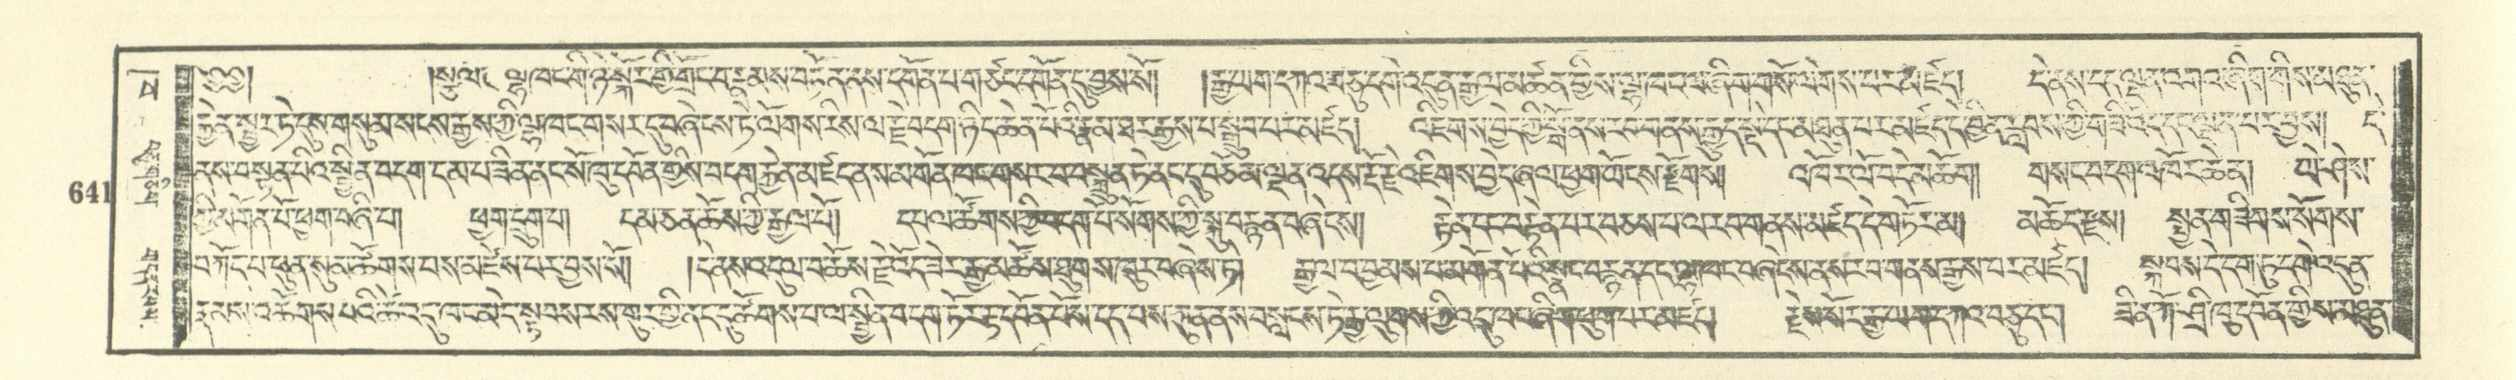༄༅། །སྩལ༑ ལྷ་ཁང་གི་ཉེ་སྐོར་གྱི་གྲོང་བ་རྣམས་བཏོན་ནས་དགོན་པ་གཙང་དགོན་དུ་བྱས་སོ། །རྒྱ་ཡག་དཀའ་བཅུ་དགེ་འདུན་རྒྱལ་མཚན་གྱིས་ལྷ་ཁང་ལ་ཞིག་གསོ་ལེགས་པར་མཛད། དེ་ནས་དད་ལྡན་འགའ་ཞིག་གིས་མཐུན་
རྐྱེན་སྦྱར་ཏེ་དུས་གསུམ་སངས་རྒྱས་ཀྱི་ལྷ་ཁང་གསར་དུ་བཞེངས་ཏེ་ལོགས་རིས་ལ་རྗེ་བདག་ཉིད་ཆེན་པོའི་རྣམ་ཐར་རྒྱས་པ་སྒྲུབ་པར་མཛད། འཇིགས་བྱེད་ཀྱི་སྒོ་ནས་རབ་གནས་རྒྱུད་སྡེ་དང་མཐུན་པར་མཛད་དེ་བྱིན་རླབས་ཀྱི་གཟི་འོད་དང་ལྡན་པར་བྱས། དེ་
ནས་བསྟན་པའི་སྦྱིན་བདག་དམ་པ་ཟིན་ནང་སོ་ཁུ་དབོན་གྱིས་བདག་རྐྱེན་མཛད་ནས་མགོན་ཁང་གསར་བ་བསྐྲུན་ཏེ་ནང་དུ་བཅོམ་ལྡན་འདས་རྡོ་རྗེ་འཇིགས་བྱེད་ཞལ་ཕྱག་ཡོངས་རྫོགས། འཁོར་ལོ་བདེ་མཆོག། གསང་བདག་འཁོར་ཆེན། ཡེ་ཤེས་
ཀྱི་མགོན་པོ་ཕྱག་བཞི་པ། ཕྱག་དྲུག་པ། དམ་ཅན་ཆོས་ཀྱི་རྒྱལ་པོ། དཔལ་ཚོགས་ཀྱི་བདག་པོ་སོགས་ཀྱི་སྐུ་བརྙན་བཞེངས། རྟེན་དང་བརྟེན་པར་བཅས་པ་ལ་རབ་གནས་མཛད་དེ་གཏོར་མ། མཆོད་རྫས། སྤྱན་གཟིགས་སོགས་
བཀོད་པ་ཕུན་སུམ་ཚོགས་པས་མཛེས་པར་བྱས་སོ། །དེ་ནས་འདུལ་བ་ཆོས་རྗེ་འོད་ཟེར་རྒྱ་མཚོས་ཐུགས་ཁུར་བཞེས་ཏེ། རྒྱལ་བ་བྱམས་པ་མགོན་པོའི་སྣང་བརྙན་དང་ལྷ་ཁང་བཞེངས་ནས་རབ་གནས་རྒྱས་པར་མཛད། སྐབས་དེ་དག་ཏུ་དགེ་འདུན་
རྣམས་འཚོགས་པའི་ཚེ་འདུ་ཁང་མེད་སྟབས་རས་གུར་གྱི་ནང་དུ་ཚོགས་པ་ལ་སྦྱིན་བདག་ཏོར་རྟ་དཔོན་པོས་དད་པས་ཀུན་ནས་བསླངས་ཏེ་རྒྱ་ལུགས་ཀྱི་འདུ་ཁང་ཞིག་ཕུག་པར་མཛད། རྗེས་སོར་རྒྱ་ཡག་དཀའ་བཅུ་དང་། ཟིན་ཀོ་ཤྲི་ཁུ་དབོན་གྱིས་མཐུན་